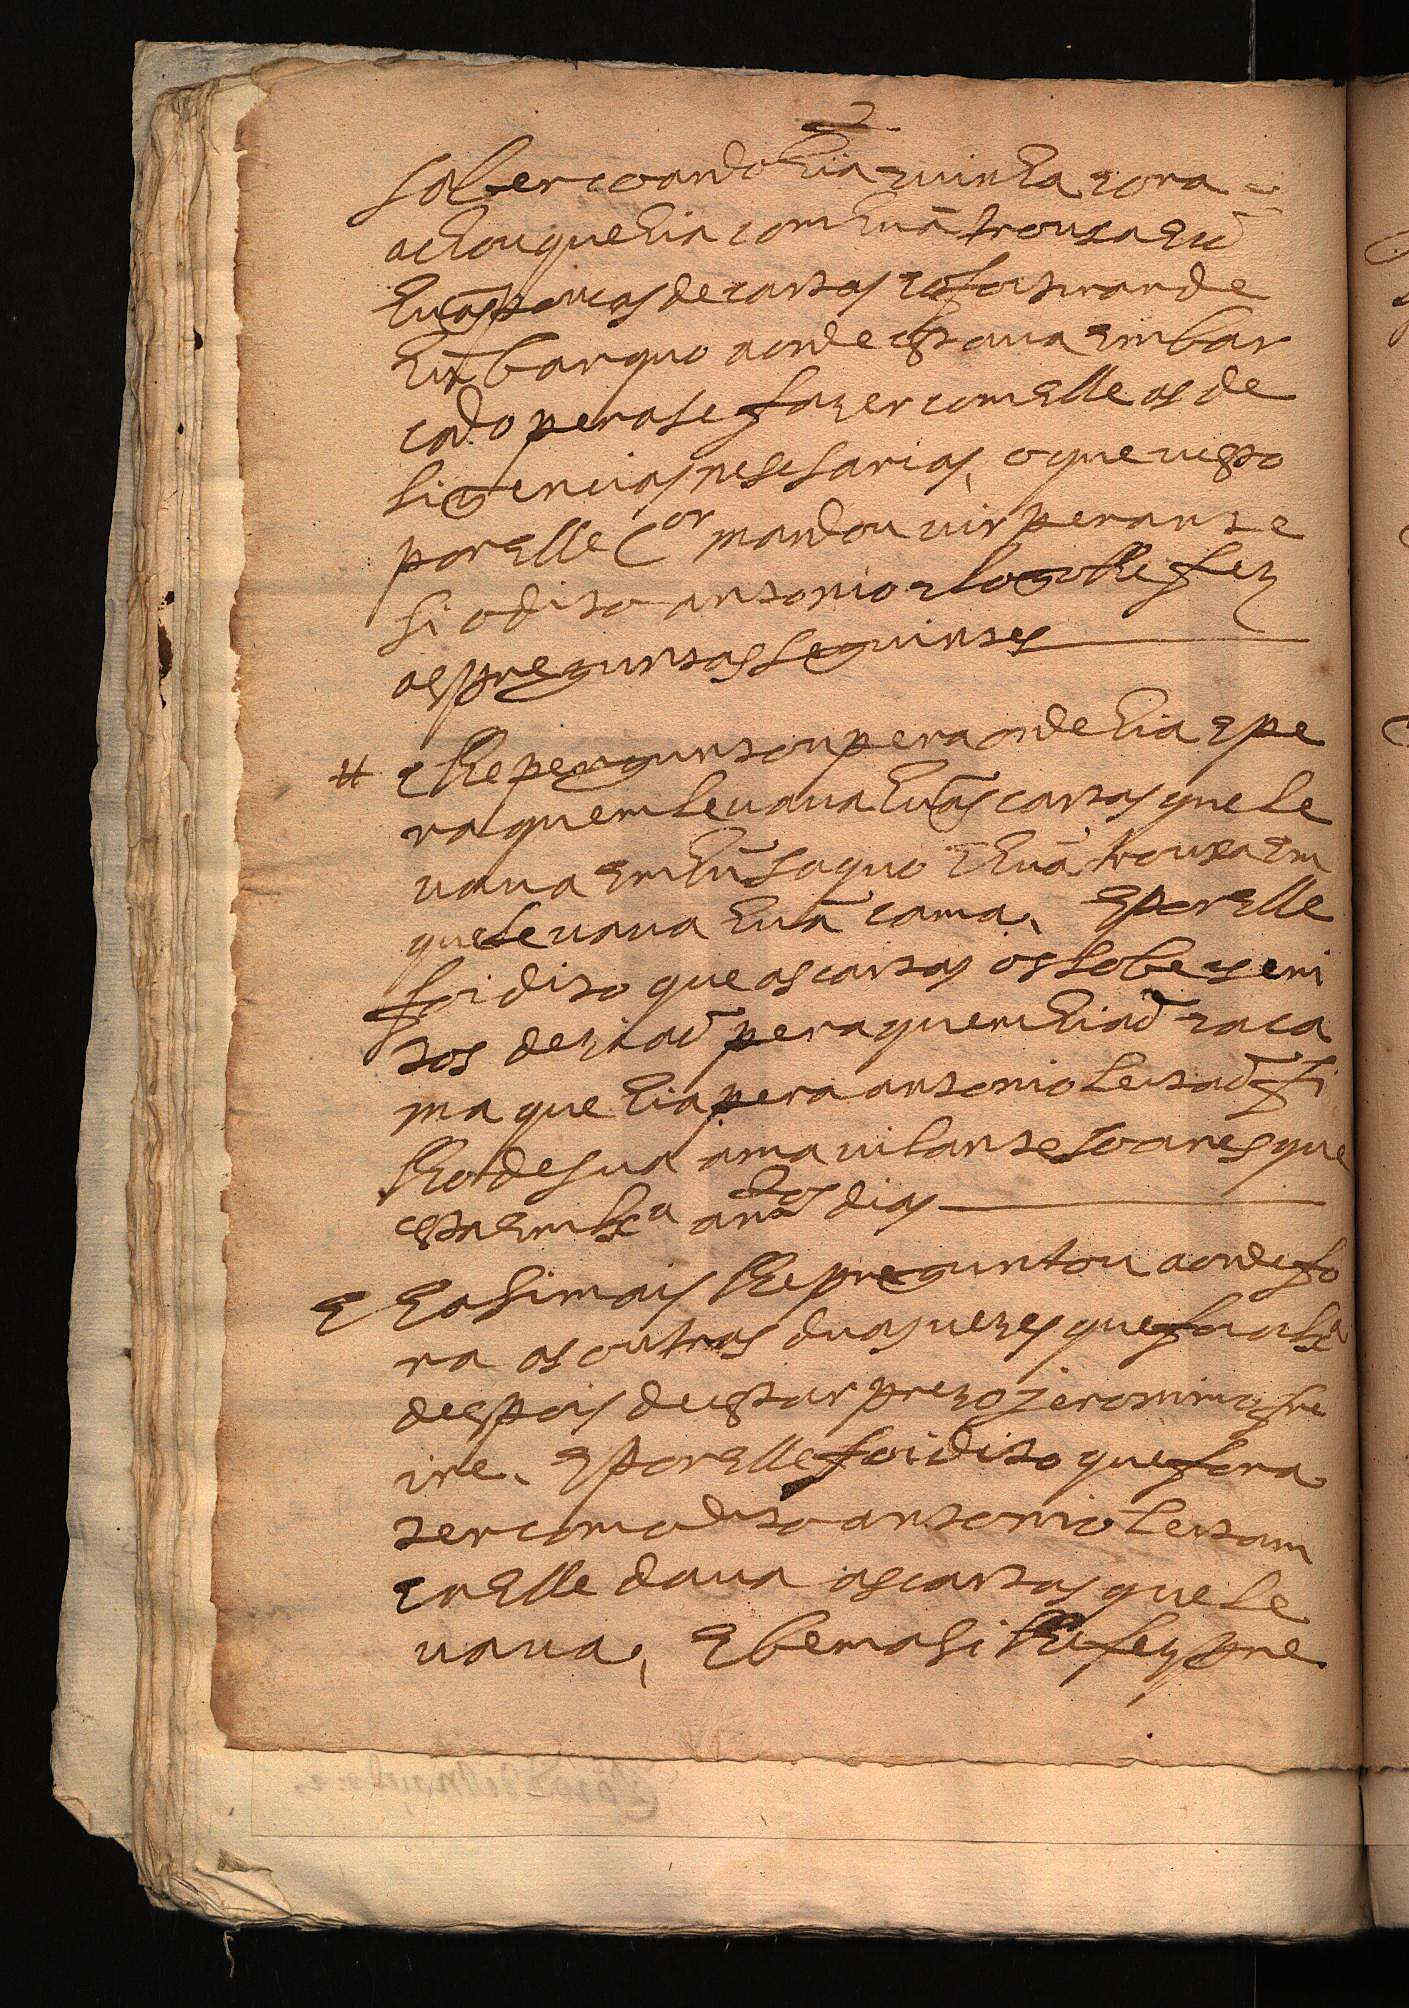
saber coando hia E uinha E ora
achou que hia com huā trousa hū
huās poucas de cartas E o foi tirou de
hū barquo aonde estaua Embar
cado pera se fazer com Elle as de
ligencias nesesarias o que uisto
por Elle Cor mandou uir perante
si o dito antonio E logo lhe fez
as preguntas seguintes
item e lhe perguntou pera onde hia E pe
ra quem leuaua huās cartas que le
uaua Em hū saquo E huā trouxa Em
que leuaua huā cama. E por Elle
foi dito que as cartas os sabe escri
tos deziaõ pera quem hiaõ E a ca
ma que hia pera antonio Leitaõ fi
lho de sua ama uilante soares que
esta Em lxa a mtos dias
E E asi mais lhe preguntou aonde fo
ra as outras duas uezes que foi a Lxa
despois de estar prezo jeronimo fre
ire. E por Elle foi dito que fora
ter com o dito antonio Leitam
E a Elle daua as cartas que le
uaua, E bem asi lhe fez pre
